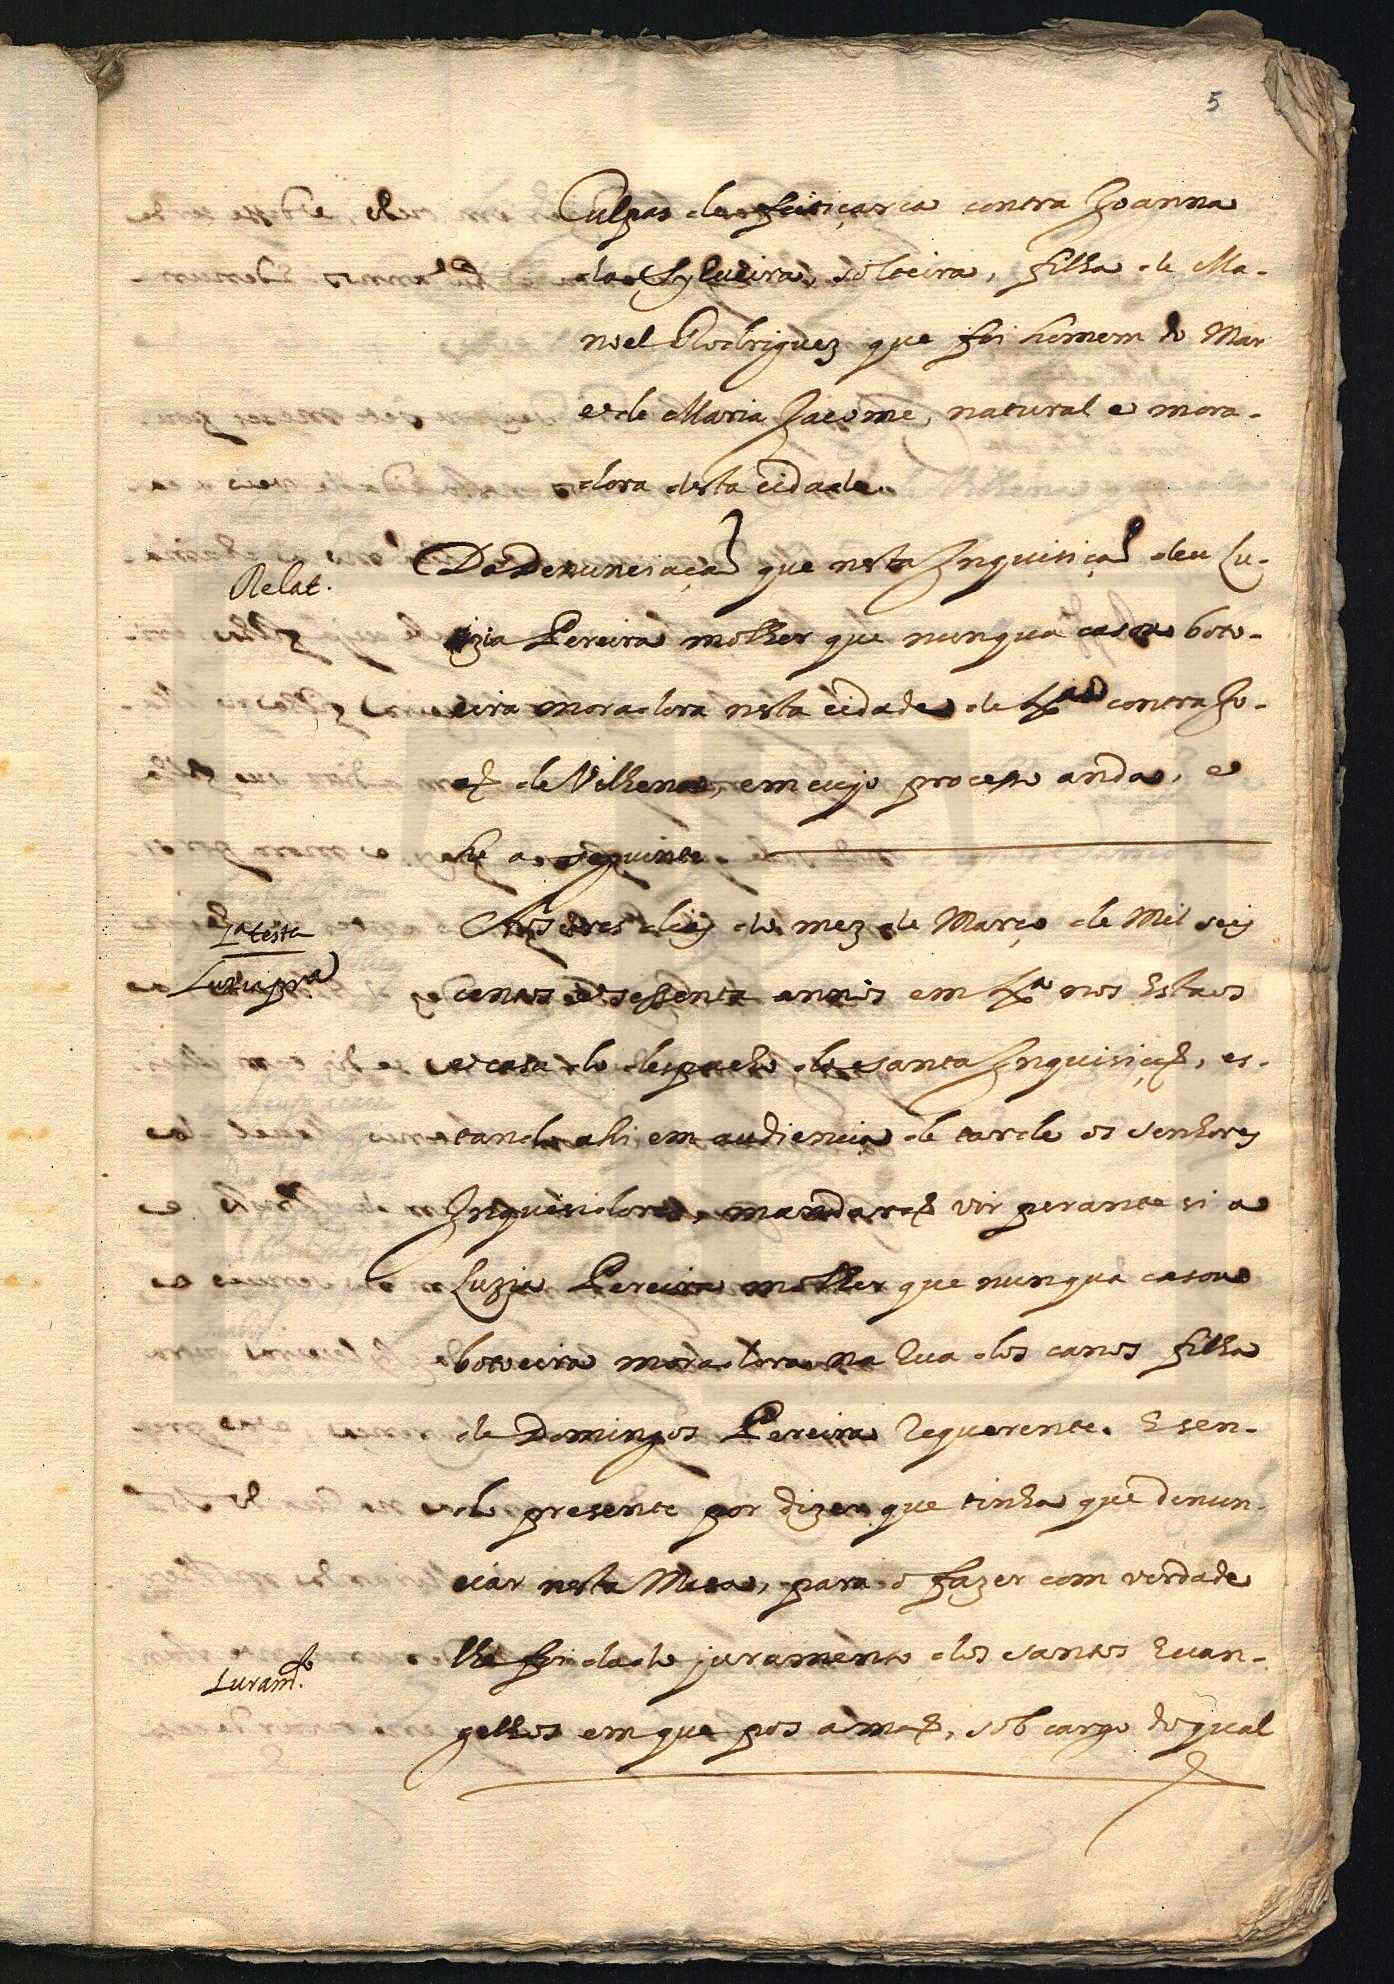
Culpas de feitiçaria contra Joanna
da Sylueira solteira, filha de Ma
noel Rodriguez que foi homem do mar
e de Maria Jacome, natural e mora
dora desta cidade.
Da denunciaçaõ que nesta Inquisiçaõ deu Lu
zia Pereira molher que nunqua casou boto
eira moradora nesta cidade de Lxa contra Jo
aõ de Vilhena, em cujo processo andao, e
he a seguinte.
Aos tres dias do mez de março de mil seis
centos e sessenta annos em Lxa nos Estaos
e casa do despacho da santa Jnquisiçaõ, es
tando ahi em audiencia de tarde os senhores
Jnquisidores, mandaraõ vir perante si a
Luzia Pereira molher que nunqua casou
botoeira moradora na Rua dos canos filha
de Domingos Pereira requerente. E sen
do presente por dizer que tinha que denun
ciar nesta mesa, para o fazer com verdade
lhe foi dado juramento dos santos Euan
gelhos em que pos a maõ, sob cargo do qual
